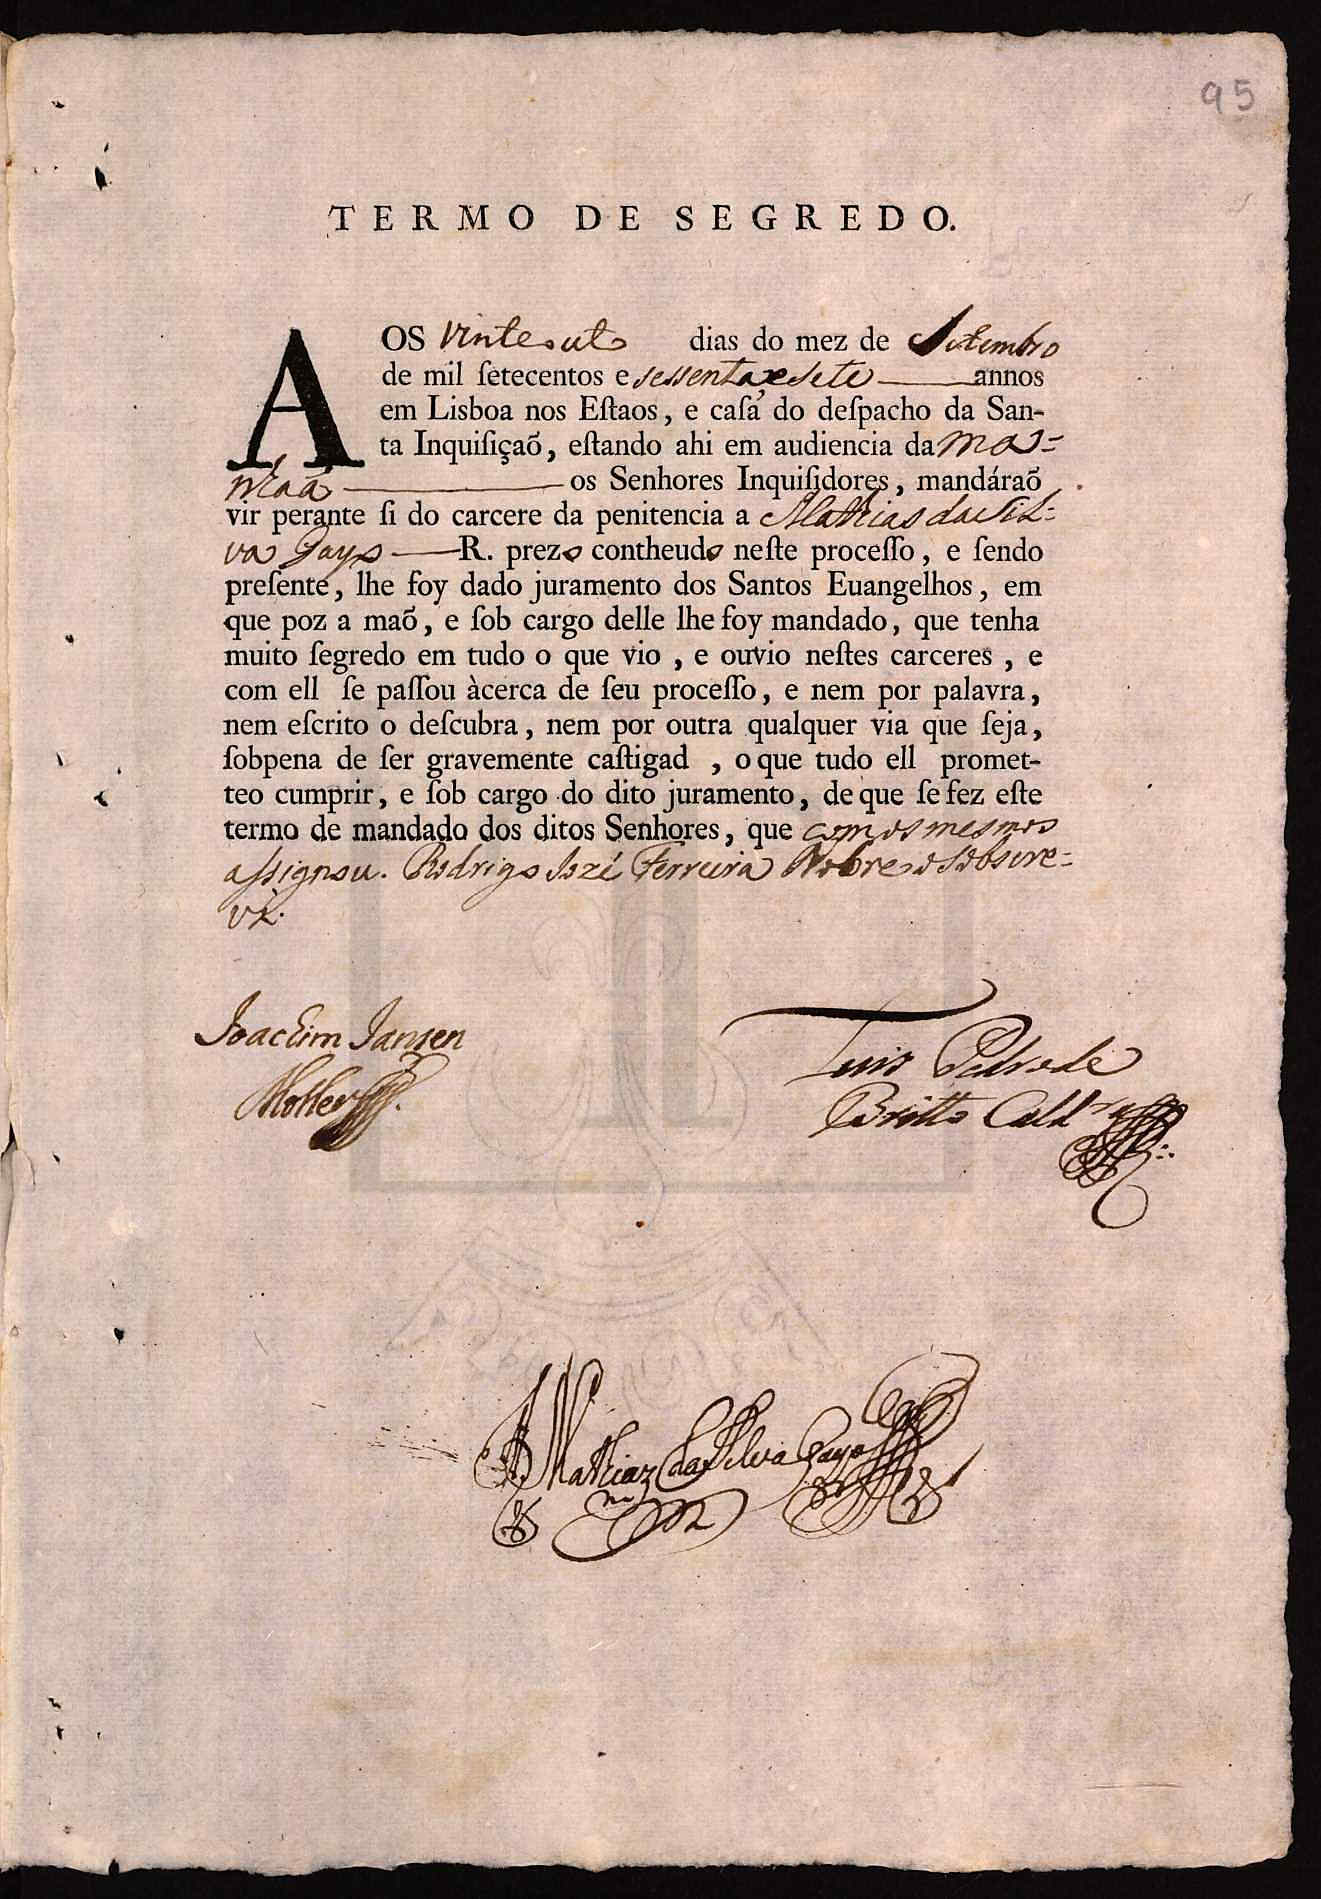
TERMO DE SEGREDO.
OS vinte outo dias do mez de Setembro
de mil setecentos e sessenta e sete
annos
em Lisboa nos Estaos, e casa do despacho da San
ta Inquisiçaõ, estando ahi em audiencia da ma
nhaã
os Senhores Inquisidores, mandáraõ
vir perante si do carcere da penitencia a Matias da Sil
va Gayo
R. prezo contheudo neste processo, e sendo
presente, lhe foy dado juramento dos Santos Euangelhos, em
que poz a maõ, e sob cargo delle lhe foy mandado, que tenha
com ell se passou ácerca de seu processo, e nem por palavra,
nem escrito o descubra, nem por outra qualquer via que seja,
sob pena de ser gravemente castigad, o que tudo ell promet
teo cumprir, e sob cargo do dito juramento, de que se fez este
termo de mandado dos ditos Senhores, que com os mesmos
assignou. Rodrigo Iozé Ferreira Nobre o sobscre
vi.
Ioachim Iansen
Moller.
Luis Pedro de
Britto Caldra
Mathias da Silua Gayo
